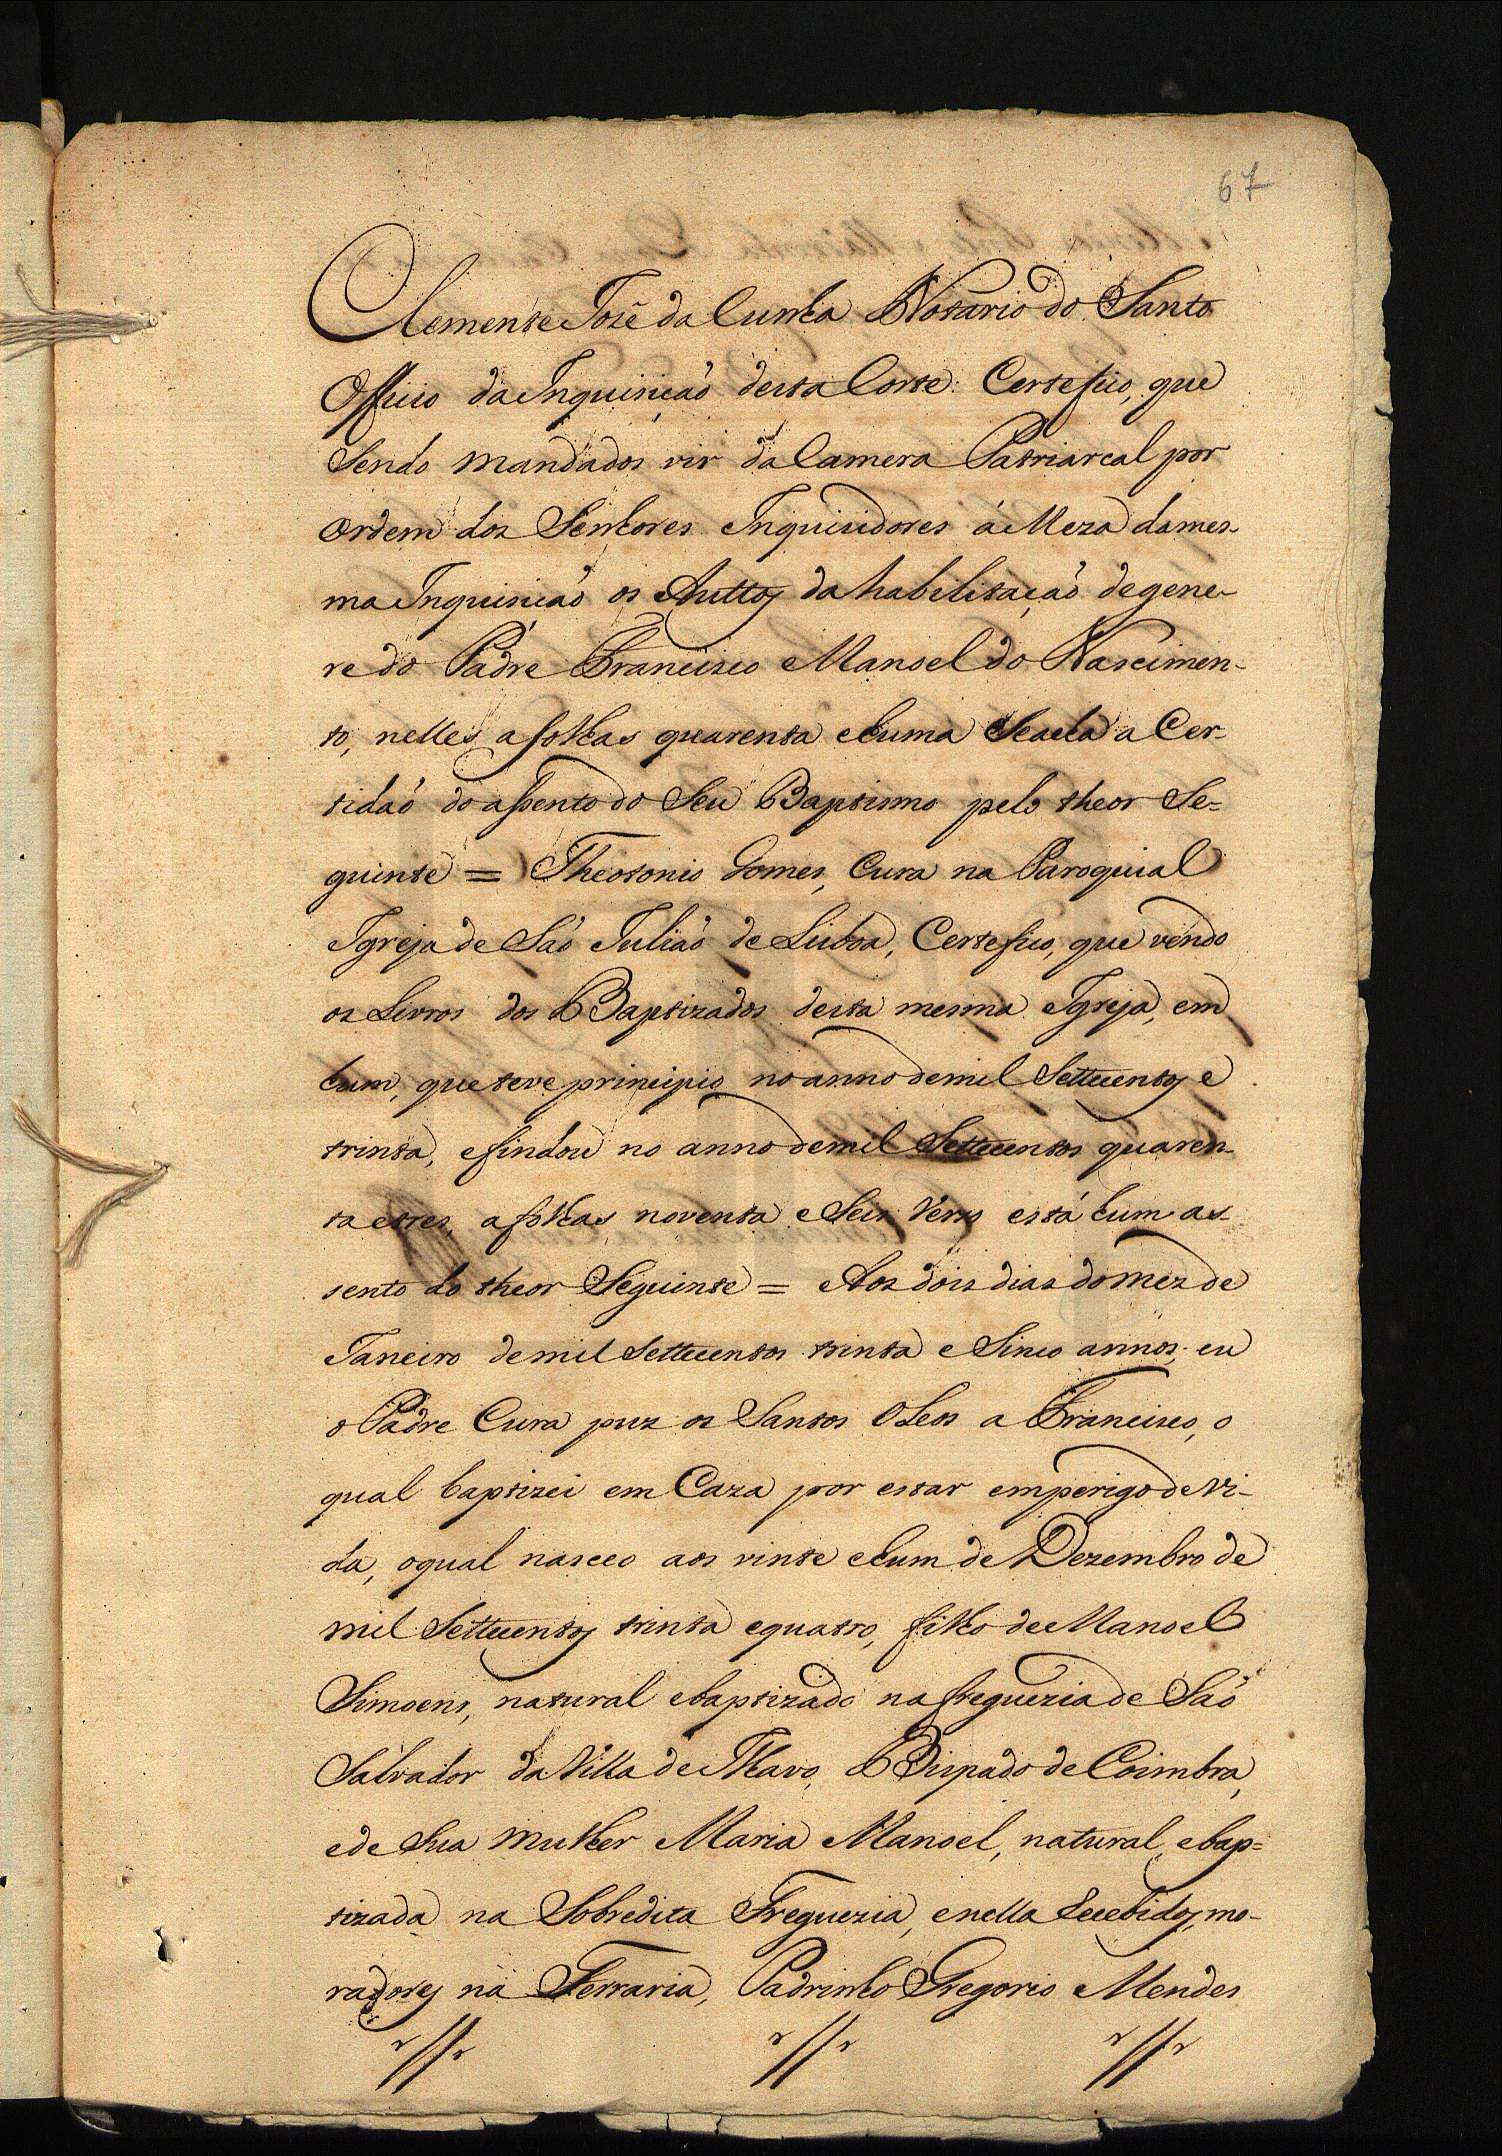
Clemente Iozé da Cunha Notario do Santo
Officio da Inquisiçaõ desta Corte. Certefico, que
Sendo mandados vir da Camera Patriarcal por
ordem dos Senhores Inquisidores á Meza da mes
ma Inquisiçaõ os Auttos da habilitaçaõ de gene
re do Padre Francisco Manoel do Nascimen
to, nelles a folhas quarenta e huma Se acha a Cer
tidaõ do assento do Seu Baptismo pelo theor Se
guinte = Theotonio Gomes, Cura na Paroquial
Igreja de Saõ Iuliaõ de Lisboa, Certefico, que vendo
os Livros dos Baptizados desta mesma Igreja, em
hum, que teve principio no anno de mil Settecentos e
trinta, e findou no anno de mil Settecentos quaren
ta e tres, a follas nouenta e Seis Verso está hum as
sento do theor Seguinte = Aos dois dias do mez de
Ianeiro de mil Settecentos trinta e Sinco annos; eu
o Padre Cura puz os Santos OLeos a Francisco, o
qual baptizei em Caza por estar em perigo de vi
da, o qual nasceo aos vinte e hum de Dezembro de
mil Settecentos trinta e quatro, filho de Manoel
Simoens, natural e baptizado na freguezia de Saõ
Salvador da Villa de Ilhavo, Bispado de Coimbra,
e de Sua mulher Maria Manoel, natural, e bap
tizado na Sobredita Freguezia, e nella Recebidos, mo
radores na Ferraria, Padrinho Gregorio Mendes
